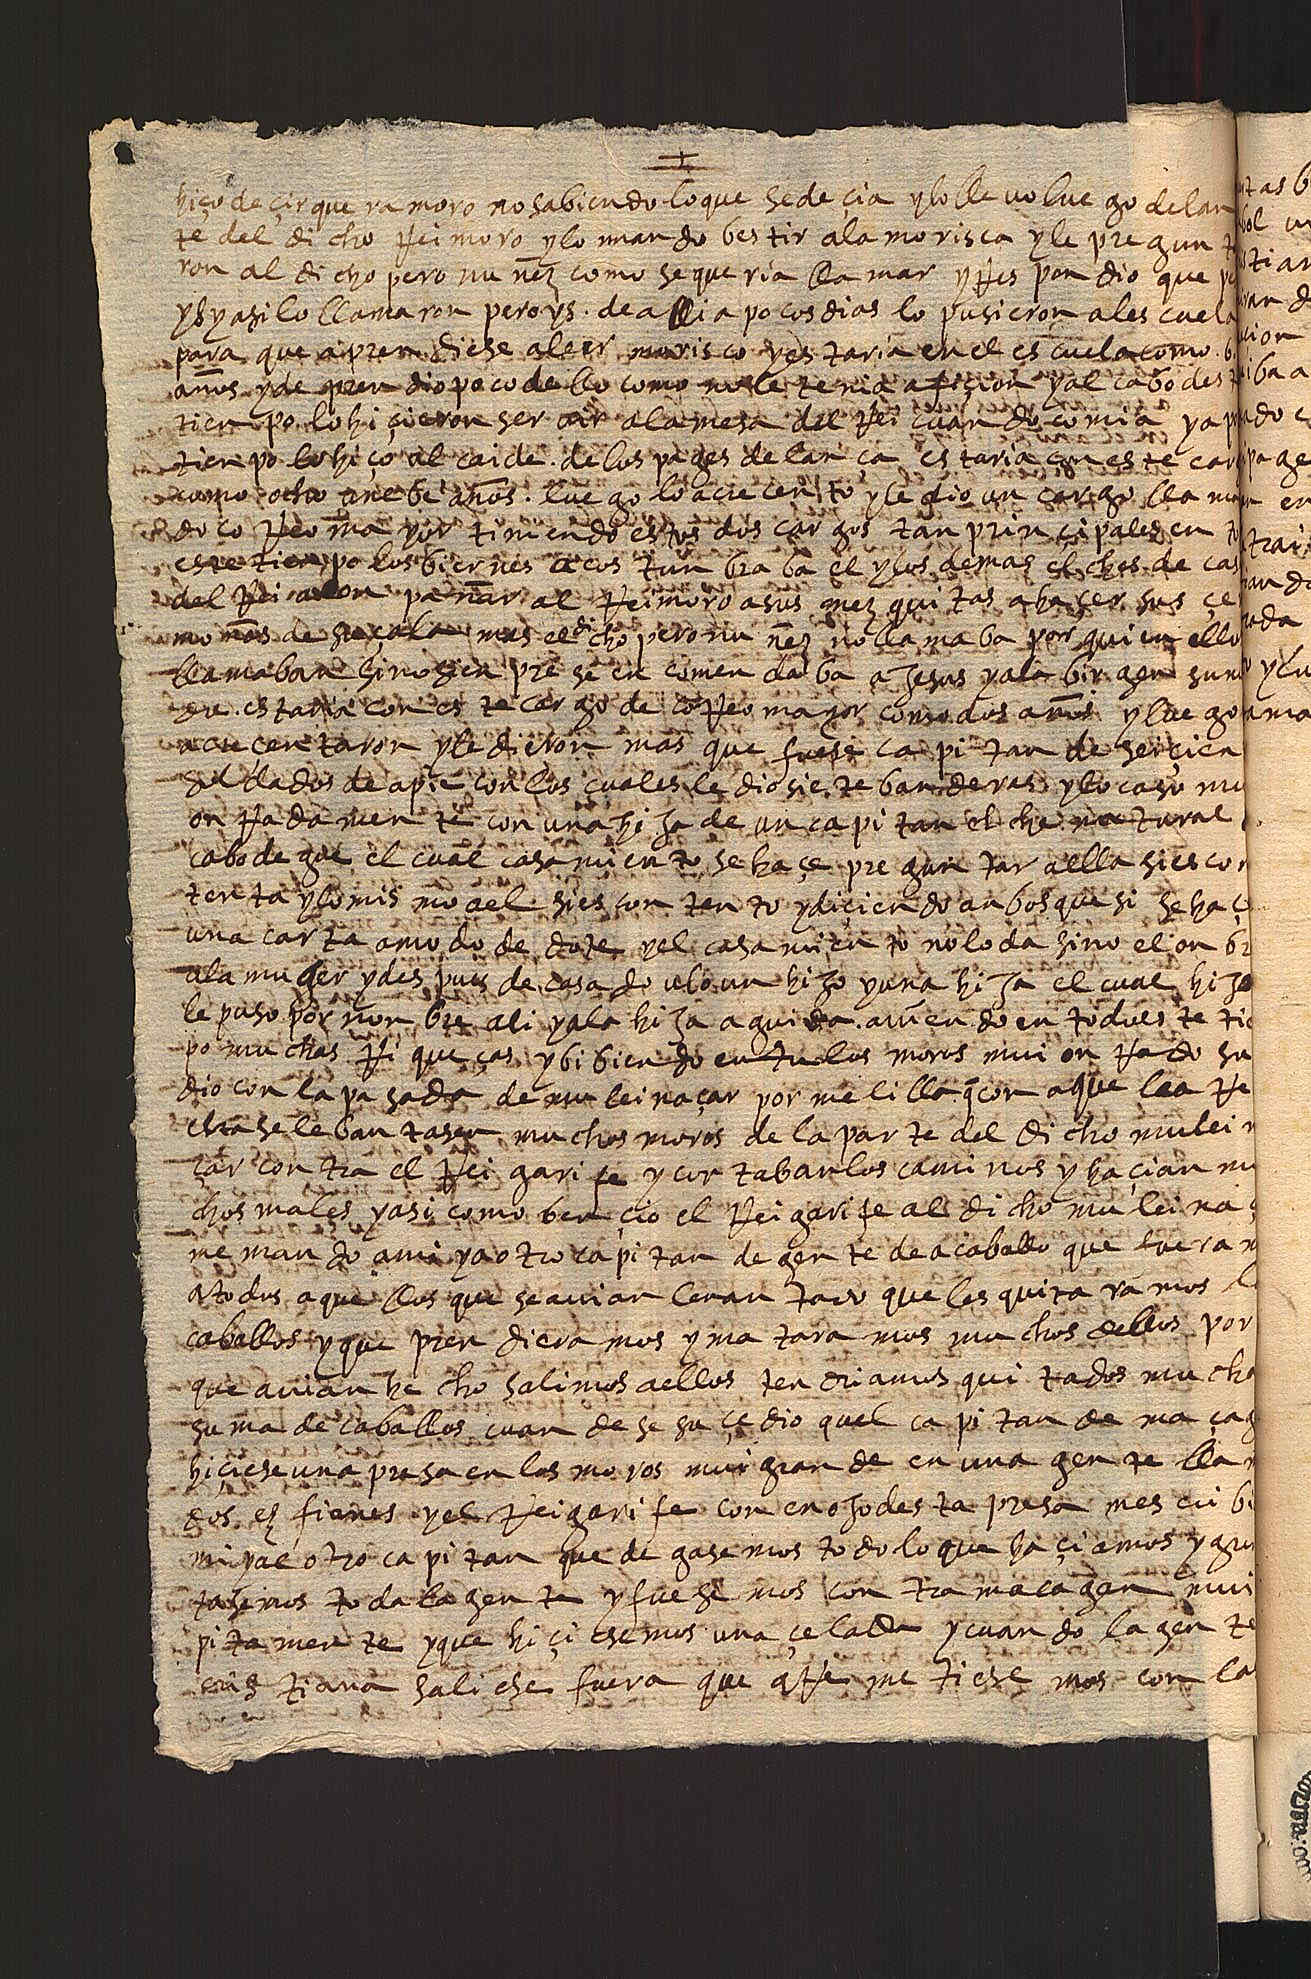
hiço deçir quera moro no sabiendo lo que se decia y lo lleuo luego delan
te del dicho Rei moro y lo mando vestir a la morisca y le pregunt
ron al dicho pero nun̄ez como se queria llamar y Respondio que pe
ys y asi lo llamaron pero ys de alli a pocos dias lo pusieron a lescuela
para que aprendiese a leer morisco y estaria en el escuela como b
an̄os y deprendio poco dello como no le tenia aficion y al cabo dest
tienpo lo hicieron seruir a la mesa del Rei cuando comia y a po
tienpo lo hiço alcaide de los pages de lança estaria en este car
como ocho a nebe anōs. luego lo acrecento y le dio un cargo llama
do coReo mayor tiniendo estos dos cargos tan principales en to
este tienpo los viernes acostunbraba el y los demas elches de cas
del Rei acompan̄ar al Rei moro a sus mezquitas a hacer sus ce
monias de su çala mas el dicho pero nun̄ez no llamaba por quien ello
llamaban sino sienpre se encomendaba a Jesus y a la virgen su m
dre. estaria con este cargo de coReo mayor como dos an̄os y luego
acrecentaron y le dieron mas que fuese capitan de seicien
soldados de a pie con los cuales le dio siete banderas y lo caso mu
onRadamente con una hiJa de un capitan elche natural
cabo de gue el cual casamiento se hace preguntar a ella si es co
tenta y lo mismo a el si es contento y diciendo anbos que si se haç
una carta a modo de dote y el casamiento no lo da sino el onbr
a la muger y despues de casado ubo un hiJo y una hiJa el cual hiJo
le puso por nonbre ali y ala hiJa aguida auiendo en todo este tie
po muchas Riqueças y bibiendo entre los moros mui onRado su
dio con la pasada de mulei naçar por melilla q̄ con aquella Re
elta se lebantasen muchos moros de la parte del dicho mulei n
çar contra el Rei garife y cortaban los caminos y hacian m
chos males y asi como bencio el Rei garife al dicho mulei naç
me mando a mi y a otro capitan de gente de a caballo que fuera n
a todos aquellos que se auian leuantado que los quitaramos d
caballos y que prendieramos y mataramos muchos dellos por
que auian hecho salimos a ellos tendriamos quitados mucho
suma de caballos cuande se sucedio qual capitan de maçag
hiciese una presa en los moros mui grande en una gente lla
dos ezfianes y el Rei garife con enoJo desta presa mescrib
mi y al otro capitan que degasemos todo lo que haciamos y gu
tasemos toda la gente y fuesemos contra maçagan mui
pitamente y que hiciesemos una celada y cuando la gente
cristiana saliese fuera que aRemetiesemos con la
